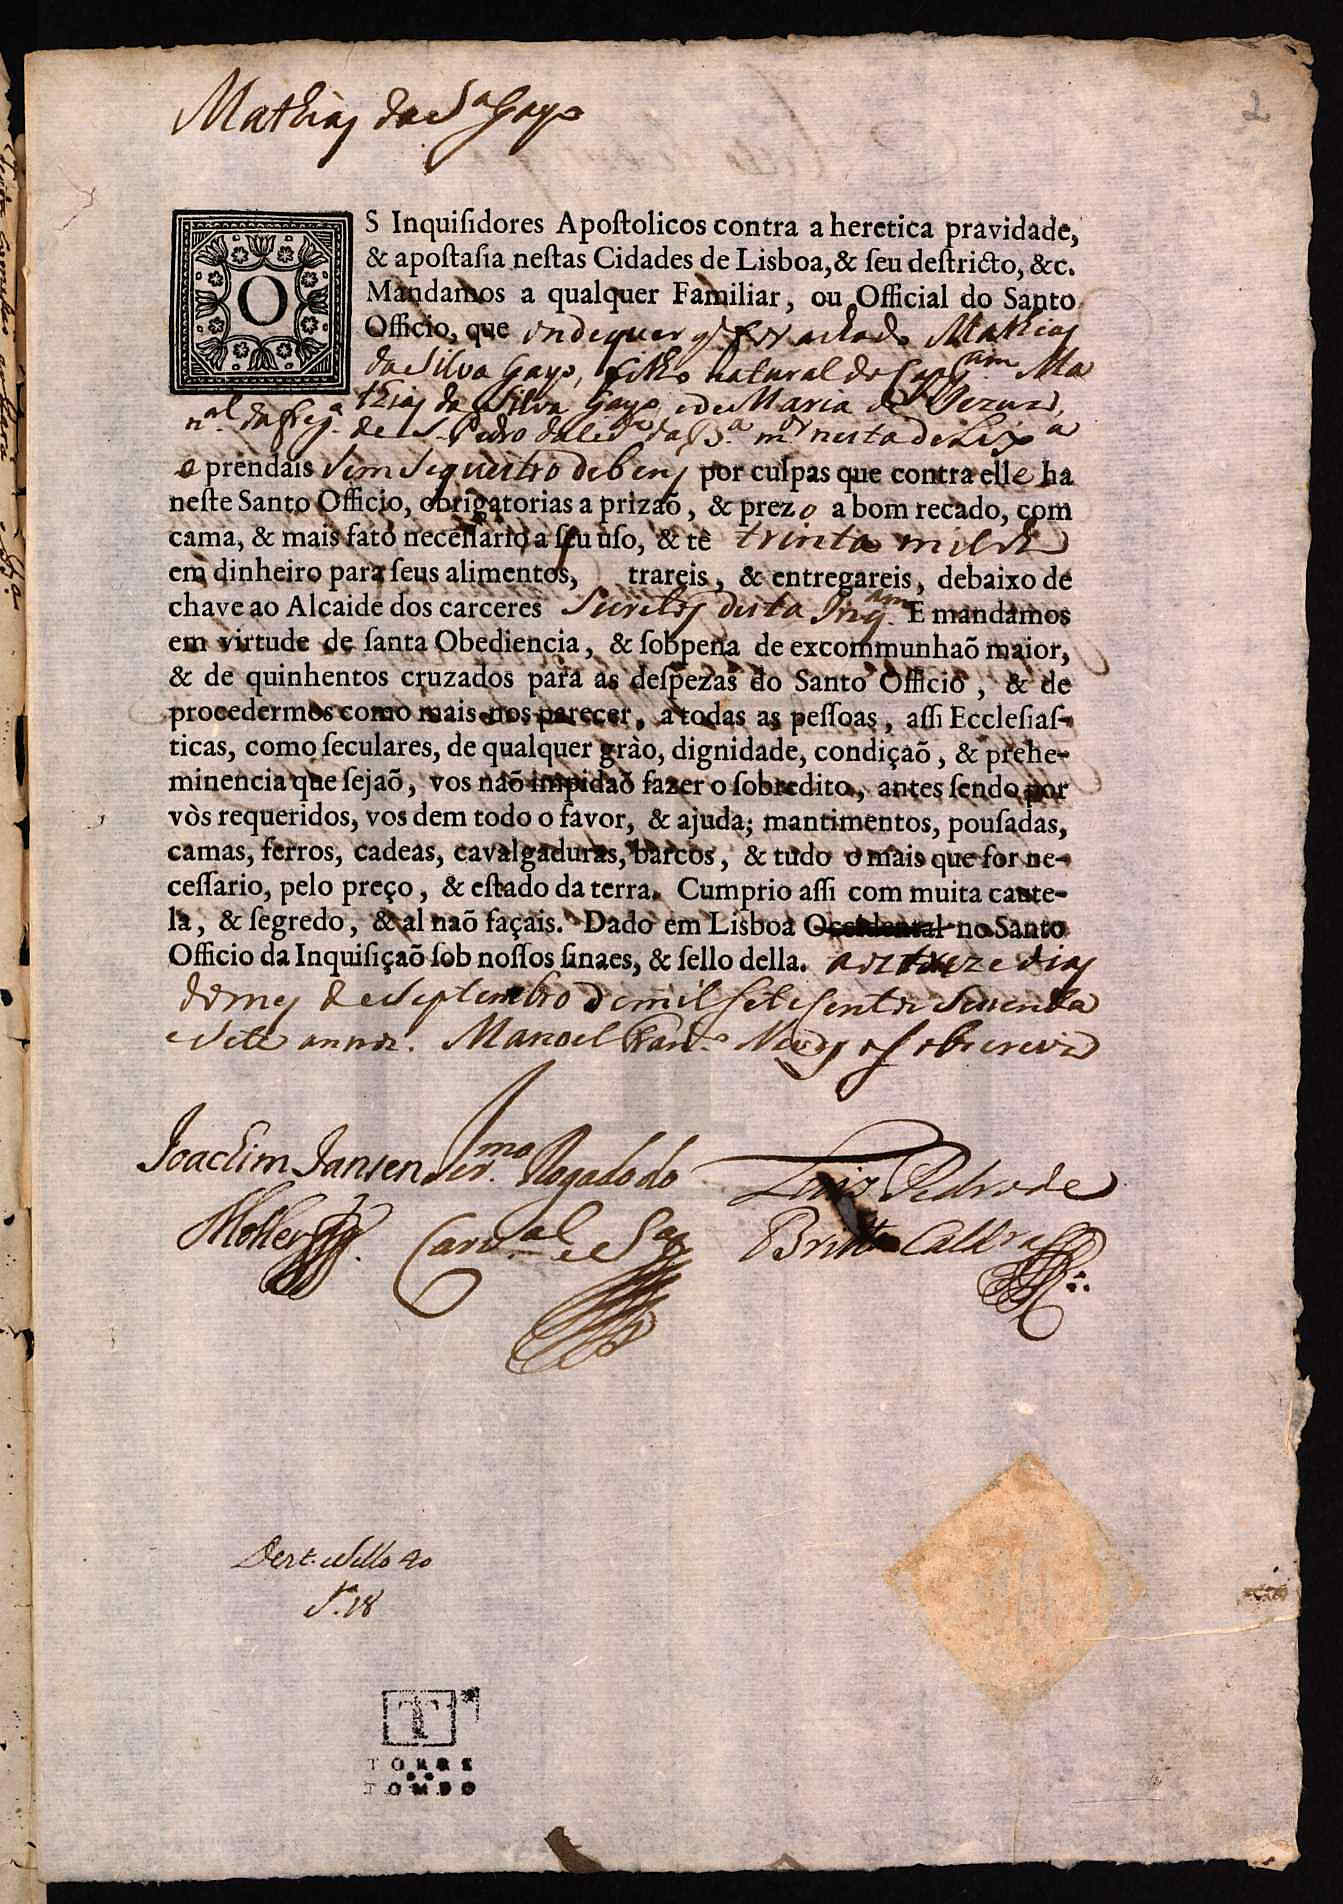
Mathias da S.a Gayo
S Inquisidores Apostolicos contra a heretica pravidade,
& apostasia nestas Cidades de Lisboa, & seu destricto, &c.
Mandamos a qualquer Familiar, ou Official do Santo,
Officio, que onde quer q̄ for achado Mathias
da Silva Gayo, filho natural do Cappa.m Ma
thias da Silva Gayo, e de Maria de Iezuz,
n.al da freg.a de S. Pedro da Cid.e da B.a m.or nesta de Lix.a
o prendais sem sequestro de bens por culpas que contra elle ha
neste Santo Officio, obrigatorias a prizaõ, & prezo a bom recado, com
cama, & mais fato necessario a seu uso, & tè trinta mil rs̄
em dinheiro para seus alimentos, trareis, & entregareis, debaixo de
chave ao Alcaide dos carceres Secretos desta Inq.am mandamos
em virtude de santa Obediencia, & sob pena de excommunhaõ maior,
& de quinhentos cruzados para as despezas do Santo Officio, & de
procedermos como mais nos parecer, a todas as pessoas, assi Ecclesias
ticas, como seculares, de qualquer grào, dignidade, condiçaõ, & prehe
minencia que sejaõ, vos naõ impidaõ fazer o sobredito, antes sendo por
vòs requeridos, vos dem todo o favor, & ajuda; mantimentos, pousadas,
camas, ferros, cadeas, cavalgaduras, barcos, & tudo o mais que for ne
cessario, pelo preço, & estado da terra. Cumprio assi com muita caute
la, & segredo, & al naõ façais. Dado em Lisboa _ no Santo
Officio da Inquisiçaõ sob nossos sinaes, & sello della. aos treze dias
do mes de septembro de mil seteCentoz sessenta
e sete annoz. Manoel Fran.co Neves o sobscrevi
Ioachim Iansen Ier.mo Rogado do
Moller Carv.al e Sa
Luis Pedro de
Britto Caldra
Dest. e Sello 40
d.a 18
